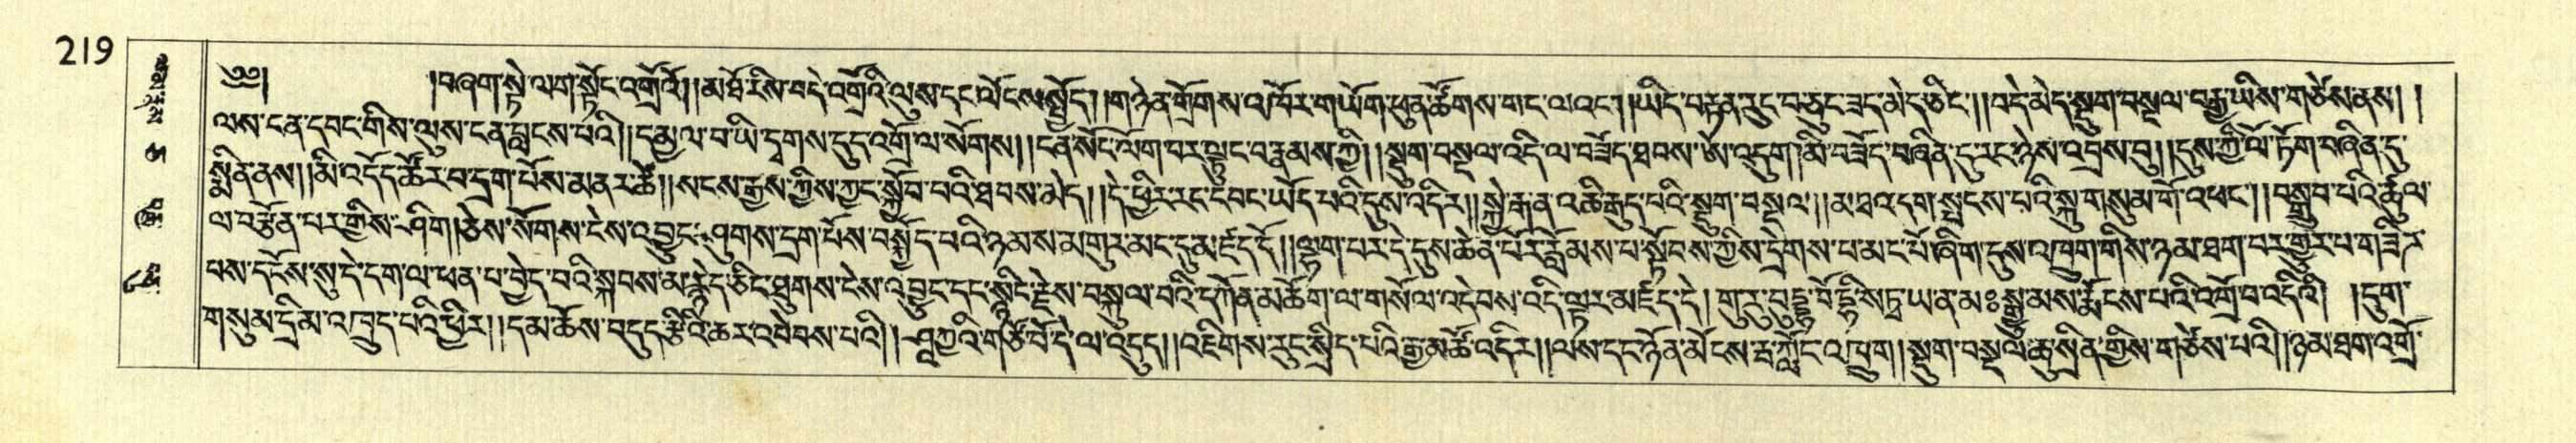༄༅། །བཞག་སྟེ་ལག་སྟོང་འགྲོའོ། །མཐོ་རིས་བདེ་འགྲོའི་ལུས་དང་ལོངས་སྤྱོད། །གཉེན་གྲོགས་འཁོར་གཡོག་ཕུན་ཚོགས་གང་ལའང་། །ཡིད་བརྟན་རུང་བ་ཅུང་ཟད་མེད་ཅིང་། །བདེ་མེད་སྡུག་བསྔལ་བརྒྱ་ཡིས་གཙེས་ནས། །
ལས་ངན་དབང་གིས་ལུས་ངན་བླངས་པའི། །དམྱལ་བ་ཡི་དྭགས་དུད་འགྲོ་ལ་སོགས། །ངན་སོང་ལོག་པར་ལྟུང་བ་རྣམས་ཀྱི། །སྡུག་བསྔལ་འདི་ལ་བཟོད་ཐབས་ཨེ་འདུག །མི་བཟོད་བཞིན་དུ་རང་ཉེས་འབྲས་བུ། །དུས་ཀྱི་ལོ་ཏོག་བཞིན་དུ་
སྨིན་ནས། །མི་འདོད་ཚོར་བ་དྲག་པོས་མནར་ཚེ། །སངས་རྒྱས་ཀྱིས་ཀྱང་སྐྱོབ་པའི་ཐབས་མེད། །དེ་ཕྱིར་རང་དབང་ཡོད་པའི་དུས་འདིར། །སྐྱེ་རྒ་ན་འཆི་རྒུད་པའི་སྡུག་བསྔལ། །མཐའ་དག་སྤངས་པའི་སྐུ་གསུམ་གོ་འཕང་། །བསྒྲུབ་པའི་ཚུལ་
ལ་བརྩོན་པར་གྱིས་ཤིག །ཅེས་སོགས་ངེས་འབྱུང་ཤུགས་དྲག་པོས་བསྐྱོད་པའི་ཉམས་མགུར་མང་དུ་མཛད་དོ། །ལྷག་པར་དེ་དུས་ཆེན་པོར་རློམས་པ་སྟོབས་ཀྱིས་དྲེགས་པ་མང་པོ་ཞིག་དུས་འཁྲུག་གིས་ཉམ་ཐག་པར་གྱུར་པ་གཟིགས་
པས་དངོས་སུ་དེ་དག་ལ་ཕན་པ་བྱེད་བའི་སྐབས་མ་རྙེད་ཅིང་ཐུགས་ངེས་འབྱུང་དང་སྙིང་རྗེས་བསྐུལ་བའི་དཀོན་མཆོག་ལ་གསོལ་འདེབས་འདི་ལྟར་མཛད་དེ། གུ་རུ་བུདྡྷ་བོདྷི་སཏྭ་ཡ་ན་མཿ སྒྱུ་མས་རྨོངས་པའི་འགྲོ་བ་འདིའི། །དུག་
གསུམ་དྲིམ་འཁྲུད་པའི་ཕྱིར། །དམ་ཆོས་བདུད་རྩིའི་ཆར་འབེབས་པའི། །ཤཱཀྱའི་གཙོ་བོ་དེ་ལ་འདུད། །འཇིགས་རུང་སྲིད་པའི་རྒྱ་མཚོ་འདིར། །ལས་དང་ཉོན་མོངས་རྦ་ཀློང་འཁྲུག །སྡུག་བསྔལ་ཆུ་སྲིན་གྱིས་གཙེས་པའི། །ཉམ་ཐག་འགྲོ་